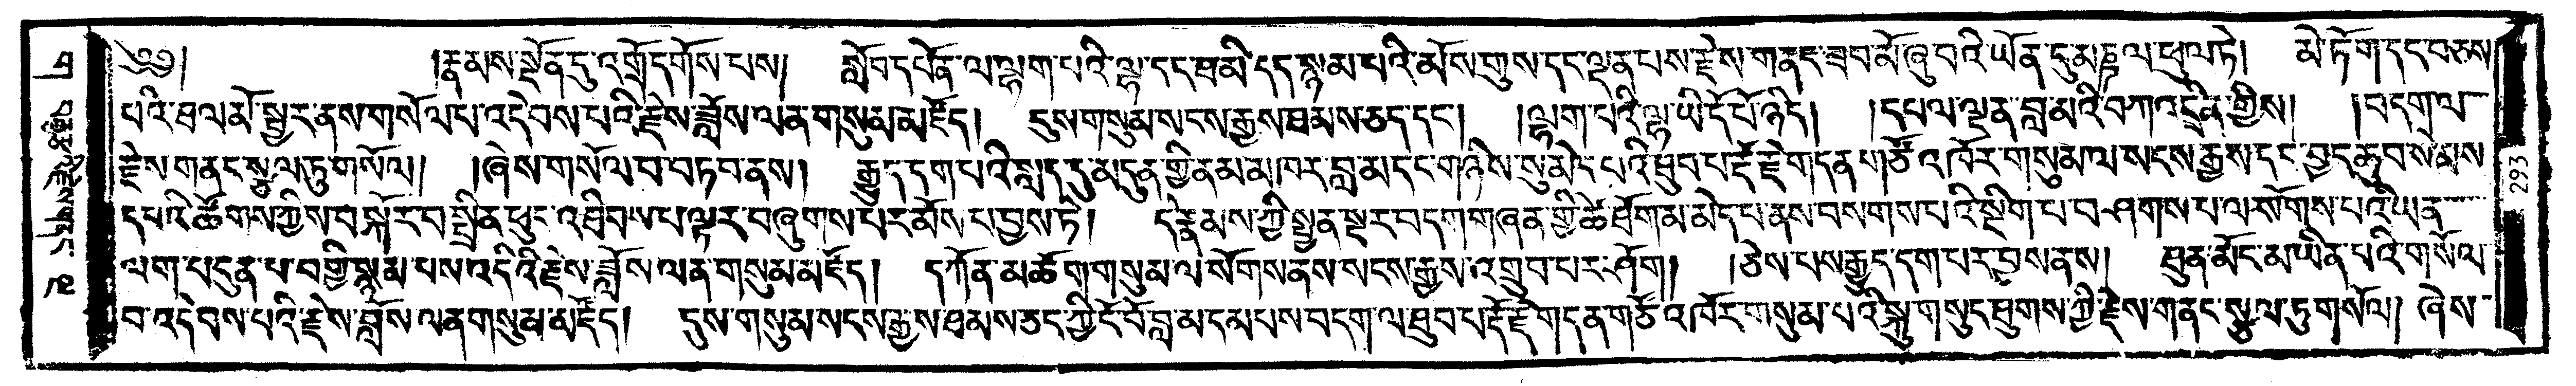༄༅། །རྣམས་སྔོན་དུ་འགྲོ་དགོས་པས། སློབ་དཔོན་ལ་ལྷག་པའི་ལྷ་དང་ཐ་མི་དད་སྙམ་པའི་མོས་གུས་དང་ལྡན་པས་རྗེས་གནང་ཟབ་མོ་ཞུ་བའི་ཡོན་ཏན་དུ་མཎྜལ་ཕུལ་ཏེ། མེ་ཏོག་དང་བཅས་
པའི་ཐལ་མོ་སྦྱར་ནས་གསོལ་པ་འདེབས་པའི་རྗེས་ཟློས་ལན་གསུམ་མཛོད། དུས་གསུམ་སངས་རྒྱས་ཐམས་ཅད་དང་། །ལྷག་པའི་ལྷ་ཡི་ངོ་བོ་ཉིད། །དཔལ་ལྡན་བླ་མའི་བཀའ་དྲིན་གྱིས། །བདག་ལ་
རྗེས་གནང་སྩལ་ཏུ་གསོལ། །ཞེས་གསོལ་བ་བཏབ་ནས། རྒྱུད་དག་པའི་སླད་དུ་མདུན་གྱི་ནམ་མཁར་བླ་མ་དང་གཉིས་སུ་མེད་པའི་ཐུབ་པ་རྡོ་རྗེ་གདན་གཙོ་འཁོར་གསུམ་ལ་སངས་རྒྱས་དང་བྱང་ཆུབ་སེམས་
དཔའི་ཚོགས་ཀྱིས་བསྐོར་བ་སྤྲིན་ཕུང་འཐིབས་པ་ལྟར་བཞུགས་པར་མོས་པ་བྱས་ཏེ། དེ་རྣམས་ཀྱི་སྤྱན་སྔར་བདག་གཞན་གྱི་ཚེ་ཐོག་མ་མེད་པ་ནས་བསགས་པའི་སྡིག་པ་བཤགས་པ་ལ་སོགས་པའི་ཡན་
ལག་བདུན་པ་བགྱི་སྙམ་པས་འདིའི་རྗེས་ཟློས་ལན་གསུམ་མཛོད། དཀོན་མཆོག་གསུམ་ལ་སོགས་ནས་སངས་རྒྱས་འགྲུབ་པར་ཤོག། །ཅེས་པས་རྒྱུད་དག་པར་བྱས་ནས། ཐུན་མོང་མ་ཡིན་པའི་གསོལ་
བ་འདེབས་པའི་རྗེས་བློས་ལན་གསུམ་མཛོད། དུས་གསུམ་སངས་རྒྱས་ཐམས་ཅད་ཀྱི་ངོ་བོ་བླ་མ་དམ་པས་བདག་ལ་ཐུབ་པ་རྡོ་རྗེ་གདན་གཙོ་འཁོར་གསུམ་པའི་སྐུ་གསུང་ཐུགས་ཀྱི་རྗེས་གནང་སྩལ་ཏུ་གསོལ། ཞེས་